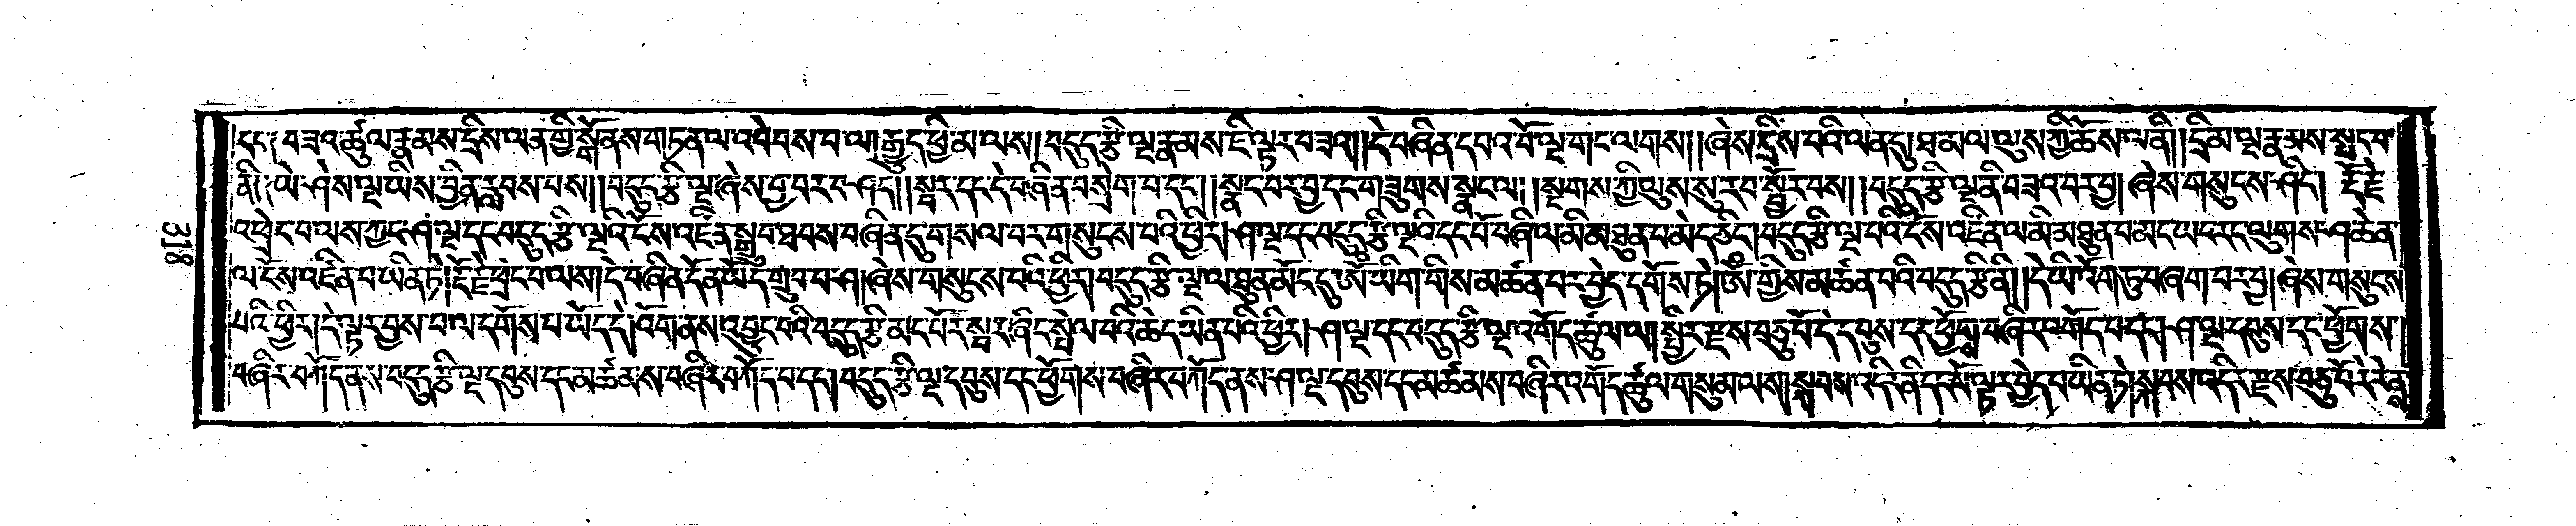དང༑ བཟའ་ཚུལ་རྣམས་དྲིས་ལན་གྱི་སྒོ་ནས་གཏན་ལ་འབེབས་པ་ལ། རྒྱུད་ཕྱི་མ་ལས། བདུད་རྩི་ལྔ་རྣམས་ཇི་ལྟར་བཟའ། །དེ་བཞིན་དཔའ་བོ་ལྔ་གང་ལགས། །ཞེས་དྲིས་པའི་ལན་དུ། ཐ་མལ་ལུས་ཀྱི་ཆོས་ལ་ནི། །དྲི་མ་ལྔ་རྣམས་སྦྱང་བ་
ནི༑ ༑ཡེ་ཤེས་ལྔ་ཡིས་བྱིན་རླབས་པས། །བདུད་རྩི་ལྔ་ཞེས་བྱ་བར་བཤད། །སྦར་དང་དེ་བཞིན་བསྲེག་པ་དང་། །སྣང་བར་བྱ་དང་གཟུགས་སྣང་ལ། །སྔགས་ཀྱི་ལུས་སུ་རབ་སྦྱོར་བས། །བདུད་རྩི་ལྔ་ནི་བཟའ་བར་བྱ། ཞེས་གསུངས་ཤིང་། རྡོ་རྗེ་
འཕྲེང་བ་ལས་ཀྱང་ཤ་ལྔ་དང་བདུད་རྩི་ལྔའི་ངོས་འཛིན་སྒྲུབ་ཐབས་བཞིན་དུ་གསལ་བར་གསུངས་པའི་ཕྱིར། ཤ་ལྔ་དང་བདུད་རྩི་ལྔའི་དང་པོ་བཞི་ལ་མི་མཐུན་པ་མེད་ཅིང་། བདུད་རྩི་ལྔ་བའི་ངོས་འཛིན་ལ་མི་མཐུན་པ་མང་ཡང་རང་ལུགས་ཤ་ཆེན་
ལ་ངོས་འཛིན་པ་ཡིན་ཏེ། རྡོ་རྗེ་ཕྲེང་བ་ལས། དེ་བཞིན་དོན་ཡོད་གྲུབ་པ་ཤ། ཞེས་གསུངས་པའི་ཕྱིར། བདུད་རྩི་ལྔ་ལ་ཐུན་མོང་དུ་ཨོཾ་ཡིག་གིས་མཚན་པར་བྱེད་དགོས་ཏེ། ཨོཾ་གྱིས་མཚན་པའི་བདུད་རྩི་ནི། །དེ་ཡི་འོག་ཏུ་བཞག་པར་བྱ། ཞེས་གསུངས་
པའི་ཕྱིར། དེ་ལྟར་བྱས་པ་ལ་དགོས་པ་ཡོད་དེ། འོག་ནས་འབྱུང་བའི་བདུད་རྩི་མང་པོར་སྦར་ཞིང་སྤེལ་བའི་ཆེད་ཡིན་པའི་ཕྱིར། ཤ་ལྔ་དང་བདུད་རྩི་ལྔ་འགོད་ཚུལ་ལ། སྤྱིར་རྫས་བཅུ་བོ་དེ་དབུས་དང་ཕྱོགས་བཞིར་འགོད་པ་དང་། ཤ་ལྔ་དབུས་དང་ཕྱོགས་
བཞིར་བཀོད་ནས་བདུད་རྩི་ལྔ་དབུས་དང་མཚམས་བཞིར་བཀོད་པ་དང་། བདུད་རྩི་ལྔ་དབུས་དང་ཕྱོགས་བཞིར་བཀོད་ནས་ཤ་ལྔ་དབུས་ནང་མཚམས་བཞིར་འགོད་ཚུལ་གསུམ་ལས། སྐབས་འདིར་ནི་དང་པོ་ལྟར་བྱེད་པ་ཡིན་ཏེ། སྐབས་འདིར་རྫས་བཅུ་བོ་རེ་རེ་ནས་